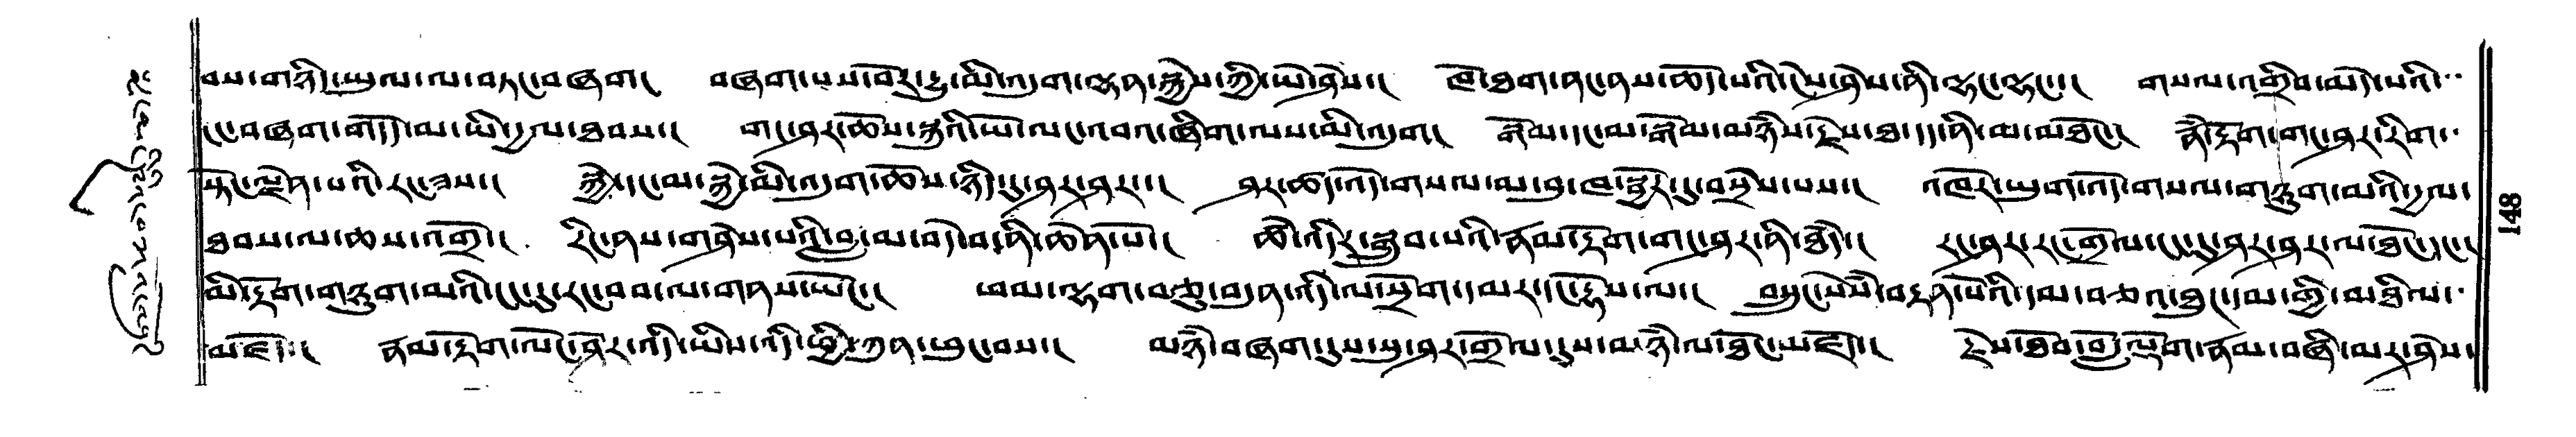བས་གཉིད་ཡུལ་ལ་བཏང་བཞག །བཞག་པས་བོར་རྒྱུ་མི་འདུག་ལྷན་སྐྱེས་ཀྱི་ཡེ་ཤེས། ཁོ་ཐག་ནང་ནས་ཆོད་པའི་ངེས་ཤེས་ནི་ལྷང་ལྷང་། །གསལ་འགྲིབ་མེད་པའི་
ངང་བཞག་གདོད་མ་ཡི་རྒྱལ་ཐབས། །གང་ཤར་ཆོས་སྐུའི་ཡོ་ལང་འབའ་ཞིག་ལས་མི་འདུག །སྒོམ་དང་མ་སྒོམ་མཉམ་རྗེས་ཐ་དད་ནི་མ་མཐོང་། །རྣམ་རྟོག་གང་ཤར་རིག་
སྟོང་རྗེན་པ་ཡི་རང་ཟས། །སྐྱེ་དང་བསྐྱེ་མི་འདུག་ཆོས་ཉིད་དུ་ཤར་ཤར། །ཤར་ཆས་འོད་གསལ་མ་བུ་ཁ་སྦྱོར་དུ་བསྲེས་པས། །འཁོར་ཡུག་འོད་གསལ་གཉུག་མའི་རྒྱལ་
ཐབས་ལ་ཆས་འགྲོ། །རིང་ནས་ཤེས་པའི་བླ་མ་བདེ་བ་ནི་ཆེན་པོ། །ཚེ་འདིར་སྒྲུབ་པའི་རྣམ་རྟོག་གང་ཤར་ནི་ཐམས་ཅད། །རང་ཤར་རང་གྲོལ་ངང་དུ་ཤར་ཤར་ལ་ཐོངས་དང་། །
མི་རྟོག་གཉུག་མའི་ངང་དུ་རང་བབ་ལ་གནས་ཡོང་། །ཕམ་ལྷག་བཅུ་བདུན་འདི་ལ་སྲོག་དམར་དང་བསྡོས་ལ། །བསྲུང་སེམས་བརྟན་པོའི་དམ་བཅའ་ཐུགས་དམ་གྱི་མཐིལ་
མཛོད། །རྣམ་རྟོག་ལང་ཤོར་འདི་ཡིས་འདི་ཕྱི་ཀུན་ཕུང་བས། །མཉམ་བཞག་དུས་སུ་ཤར་གྲོལ་དུས་མཉམ་ལ་ཐོང་མཛོད། །རྗེས་ཐོབ་བློ་ལྡོག་རྣམ་བཞི་མར་ཤེས་